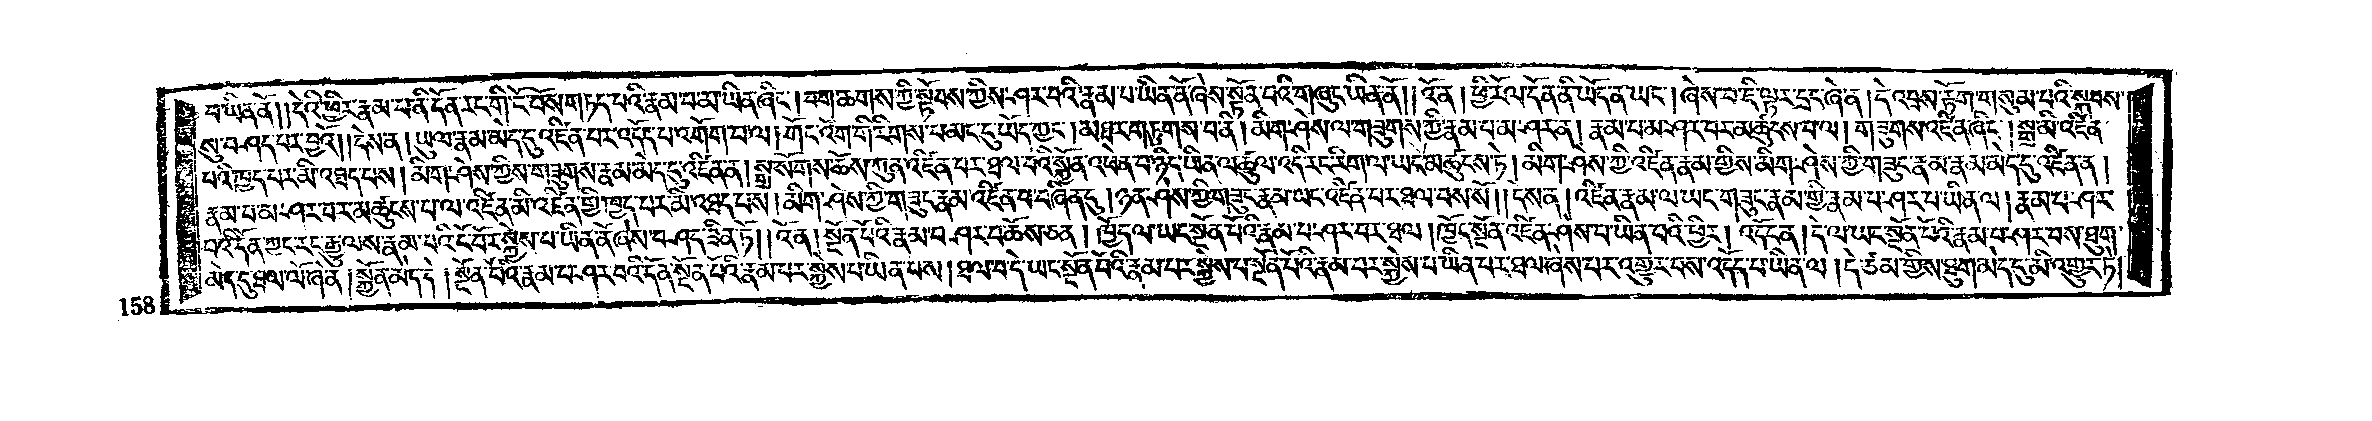བ་ཡིན་ནོ། །དེའི་ཕྱིར་རྣམ་པ་ནི་དོན་རང་གི་ངོ་བོས་གཏད་པའི་རྣམ་པ་མ་ཡིན་ཞིང་། བག་ཆགས་ཀྱི་སྟོབས་ཀྱིས་ཤར་བའི་རྣམ་པ་ཡིན་ནོ་ཞེས་སྟོན་པའི་གཞུང་ཡིན་ནོ། །འོ་ན། ཕྱི་རོལ་དོན་ནི་ཡོད་ན་ཡང་། ཞེས་པ་ཇི་ལྟར་དྲང་ཞེ་ན། དེ་འབྲས་རྟོག་གསུམ་པའི་སྐབས་
སུ་བཤད་པར་བྱའོ། །དེས་ན། ཡུལ་རྣམ་མེད་དུ་འཛིན་པར་འདོད་པ་འགོག་པ་ལ། གོང་འོག་གི་རིགས་པ་མང་དུ་ཡོད་ཀྱང་། མཐར་གཏུགས་པ་ནི། མིག་ཤེས་ལ་གཟུགས་ཀྱི་རྣམ་པ་མ་ཤར་ན། རྣམ་པ་མ་ཤར་བར་མཚུངས་པ་ལ། གཟུགས་འཛིན་ཞིང་། སྒྲ་མི་འཛིན་
པའི་ཁྱད་པར་མི་འཐད་པས། མིག་ཤེས་ཀྱིས་གཟུགས་རྣམ་མེད་དུ་འཛིན་ན། སྒྲ་སོགས་ཆོས་ཀུན་འཛིན་པར་ཐལ་བའི་སྐྱོན་འཕེན་པ་ཉིད་ཡིན་ལ་ཚུལ་འདི་རང་རིག་ལ་ཡང་མཚུངས་ཏེ། མིག་ཤེས་ཀྱི་འཛིན་རྣམ་གྱིས་མིག་ཤེས་ཀྱི་གཟུང་རྣམ་རྣམ་མེད་དུ་འཛིན་ན།
རྣམ་པ་མ་ཤར་བར་མཚུངས་པ་ལ་འཛིན་མི་འཛིན་གྱི་ཁྱད་པར་མི་འཐད་པས། མིག་ཤེས་ཀྱི་གཟུང་རྣམ་འཛིན་པ་བཞིན་དུ། ཉན་ཤེས་ཀྱི་གཟུང་རྣམ་ཡང་འཛིན་པར་ཐལ་བས་སོ། །དེས་ན། འཛིན་རྣམ་ལ་ཡང་གཟུང་རྣམ་གྱི་རྣམ་པ་ཤར་བ་ཡིན་ལ། རྣམ་པ་ཤར་
བའི་དོན་ཀྱང་རང་རྒྱུ་ལས་རྣམ་པའི་ངོ་བོར་སྐྱེས་པ་ཡིན་ནོ་ཞེས་བཤད་ཟིན་ཏོ། །འོ་ན། སྔོན་པོའི་རྣམ་པ་ཤར་བ་ཆོས་ཅན། ཁྱོད་ལ་ཡང་སྔོན་པོའི་རྣམ་པ་ཤར་བར་ཐལ། ཁྱོད་སྔོན་འཛིན་ཤེས་པ་ཡིན་པའི་ཕྱིར། འདོད་ན། དེ་ལ་ཡང་སྔོན་པོའི་རྣམ་པ་ཤར་བས་ཐུག་
མེད་དུ་ཐལ་ལོ་ཞེ་ན། སྐྱོན་མེད་དེ། སྔོན་པོའི་རྣམ་པ་ཤར་བའི་དོན་སྔོན་པོའི་རྣམ་པར་སྐྱེས་པ་ཡིན་པས། ཐལ་བ་དེ་ཡང་སྔོན་པོའི་རྣམ་པར་སྐྱེས་པ་སྔོན་པོའི་རྣམ་པར་སྐྱེས་པ་ཡིན་པར་ཐལ་ཞེས་པར་འགྱུར་བས་འདོད་པ་ཡིན་ལ། དེ་ཙམ་གྱིས་ཐུག་མེད་དུ་མི་འགྱུར་ཏེ།